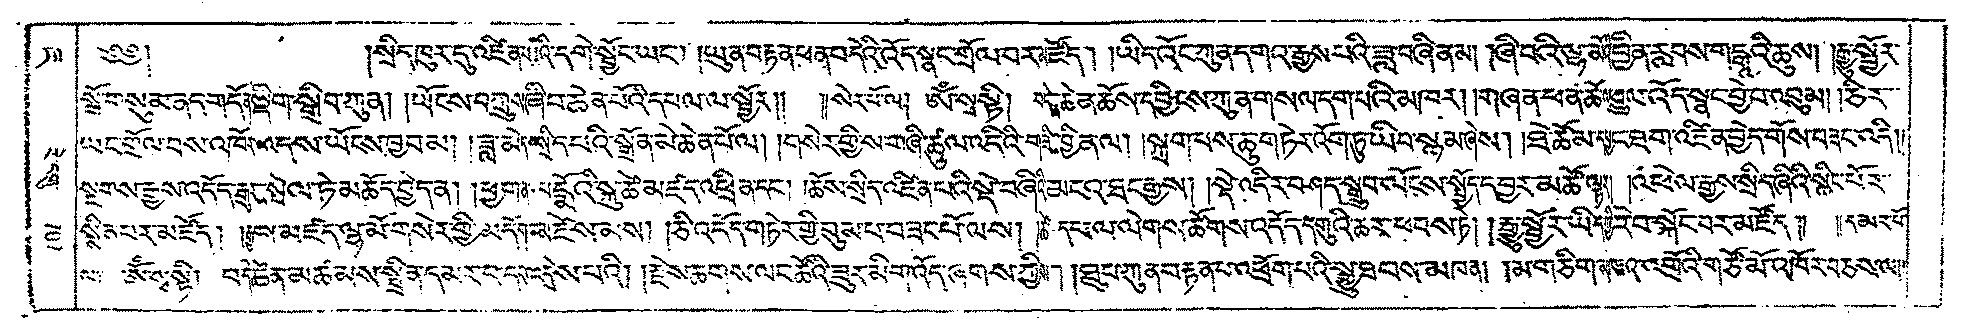༄༅། །སྲིད་ཁུར་དུ་འཛིན་པའི་དགེ་སྦྱོང་ཡང་། །ཡུན་བརྟན་ཕན་བདེའི་འོད་སྣང་གྲོལ་བར་མཛོད། །ཡིད་འོང་ཀུན་དགའ་རྒྱས་པའི་ཟླ་བཞིན་མ། །ཞི་བའི་ལྷ་མོའི་བྱིན་རླབས་གངྒཱའི་ཆུས། །རྒྱུ་སྦྱོར་
སྒོ་གསུམ་ནད་གདོན་སྡིག་སྒྲིབ་ཀུན། །ཡོངས་བཀྲུས་ཞི་བ་ཆེན་པོའི་དཔལ་ལ་སྦྱོར།། །། སེར་པོ་ལ།  ཨོཾ་སྭ་སྟི། བདེ་ཆེན་ཆོས་དབྱིངས་ཀུན་གསལ་དག་པའི་མཁར། །གཞན་ཕན་ཆོ་འཕྲུལ་འོད་སྣང་བྱེ་བ་འབུམ། །ཅིར་
ཡང་གྲོལ་བས་འཁོར་འདས་ཡོངས་ཁྱབ་མ། །ཟླ་མེད་སྲིད་པའི་སྒྲོན་མེ་ཆེན་པོ་ལ། །གསེར་གྱི་ས་གཞི་ཚུལ་འདིའི་གཟི་བྱིན་ལ། །སྐྲག་པས་ཆུ་གཏེར་འོག་ཏུ་ཡིབ་སྙམ་ཞེས། །ཐེ་ཚོམ་དཔྱང་ཐག་འཛིན་བྱེད་གོས་བཟང་འདི། །
སྔགས་རྒྱས་འདོད་རྒུར་སྤེལ་ཏེ་མཆོད་བྱེད་ན། །ཕྱག་ན་པདམོའི་སྐུ་ཚེ་མཛད་འཕྲིན་དང་། །ཆོས་སྲིད་འཛིན་པའི་སྡེ་བཞིའི་མངའ་ཐང་རྒྱས། །སྡེ་འདིར་བཤད་སྒྲུབ་ལོངས་སྤྱོད་དབྱར་མཚོ་ལྟར། །འཕེལ་རྒྱས་སྲིད་ཞིའི་སྙིང་པོར་
སྨིན་པར་མཛོད། །རྒྱས་མཛད་ལྷ་མོ་གསེར་གྱི་མདོག་མཛེས་མས། །ཅི་འདོད་གཏེར་གྱི་བུམ་པ་བཟང་པོ་ལས། །ཚེ་དཔལ་ལེགས་ཚོགས་འདོད་དགུའི་ཆར་ཕབས་ཏེ། །རྒྱུ་སྦྱོར་ཡིད་ཀྱི་རེ་བ་སྐོང་བར་མཛོད།། །།དམར་པོ་
ལ༑ ཨོཾ་སྭ་སྟི། བདེ་ཆེན་མཚམས་སྤྲིན་དམར་བ་དང་འདྲེས་པའི། །རྗེས་ཆགས་ལང་ཚོའི་ཟུར་མིག་འོད་ཞགས་ཀྱིས། །ཐུབ་ཀུན་བརྟན་པ་འཕྲོག་པའི་སྒྱུ་ཐབས་མཁན། །མ་གཅིག་མཁའ་འགྲོའི་གཙོ་མོ་འཁོར་བཅས་ལ། །